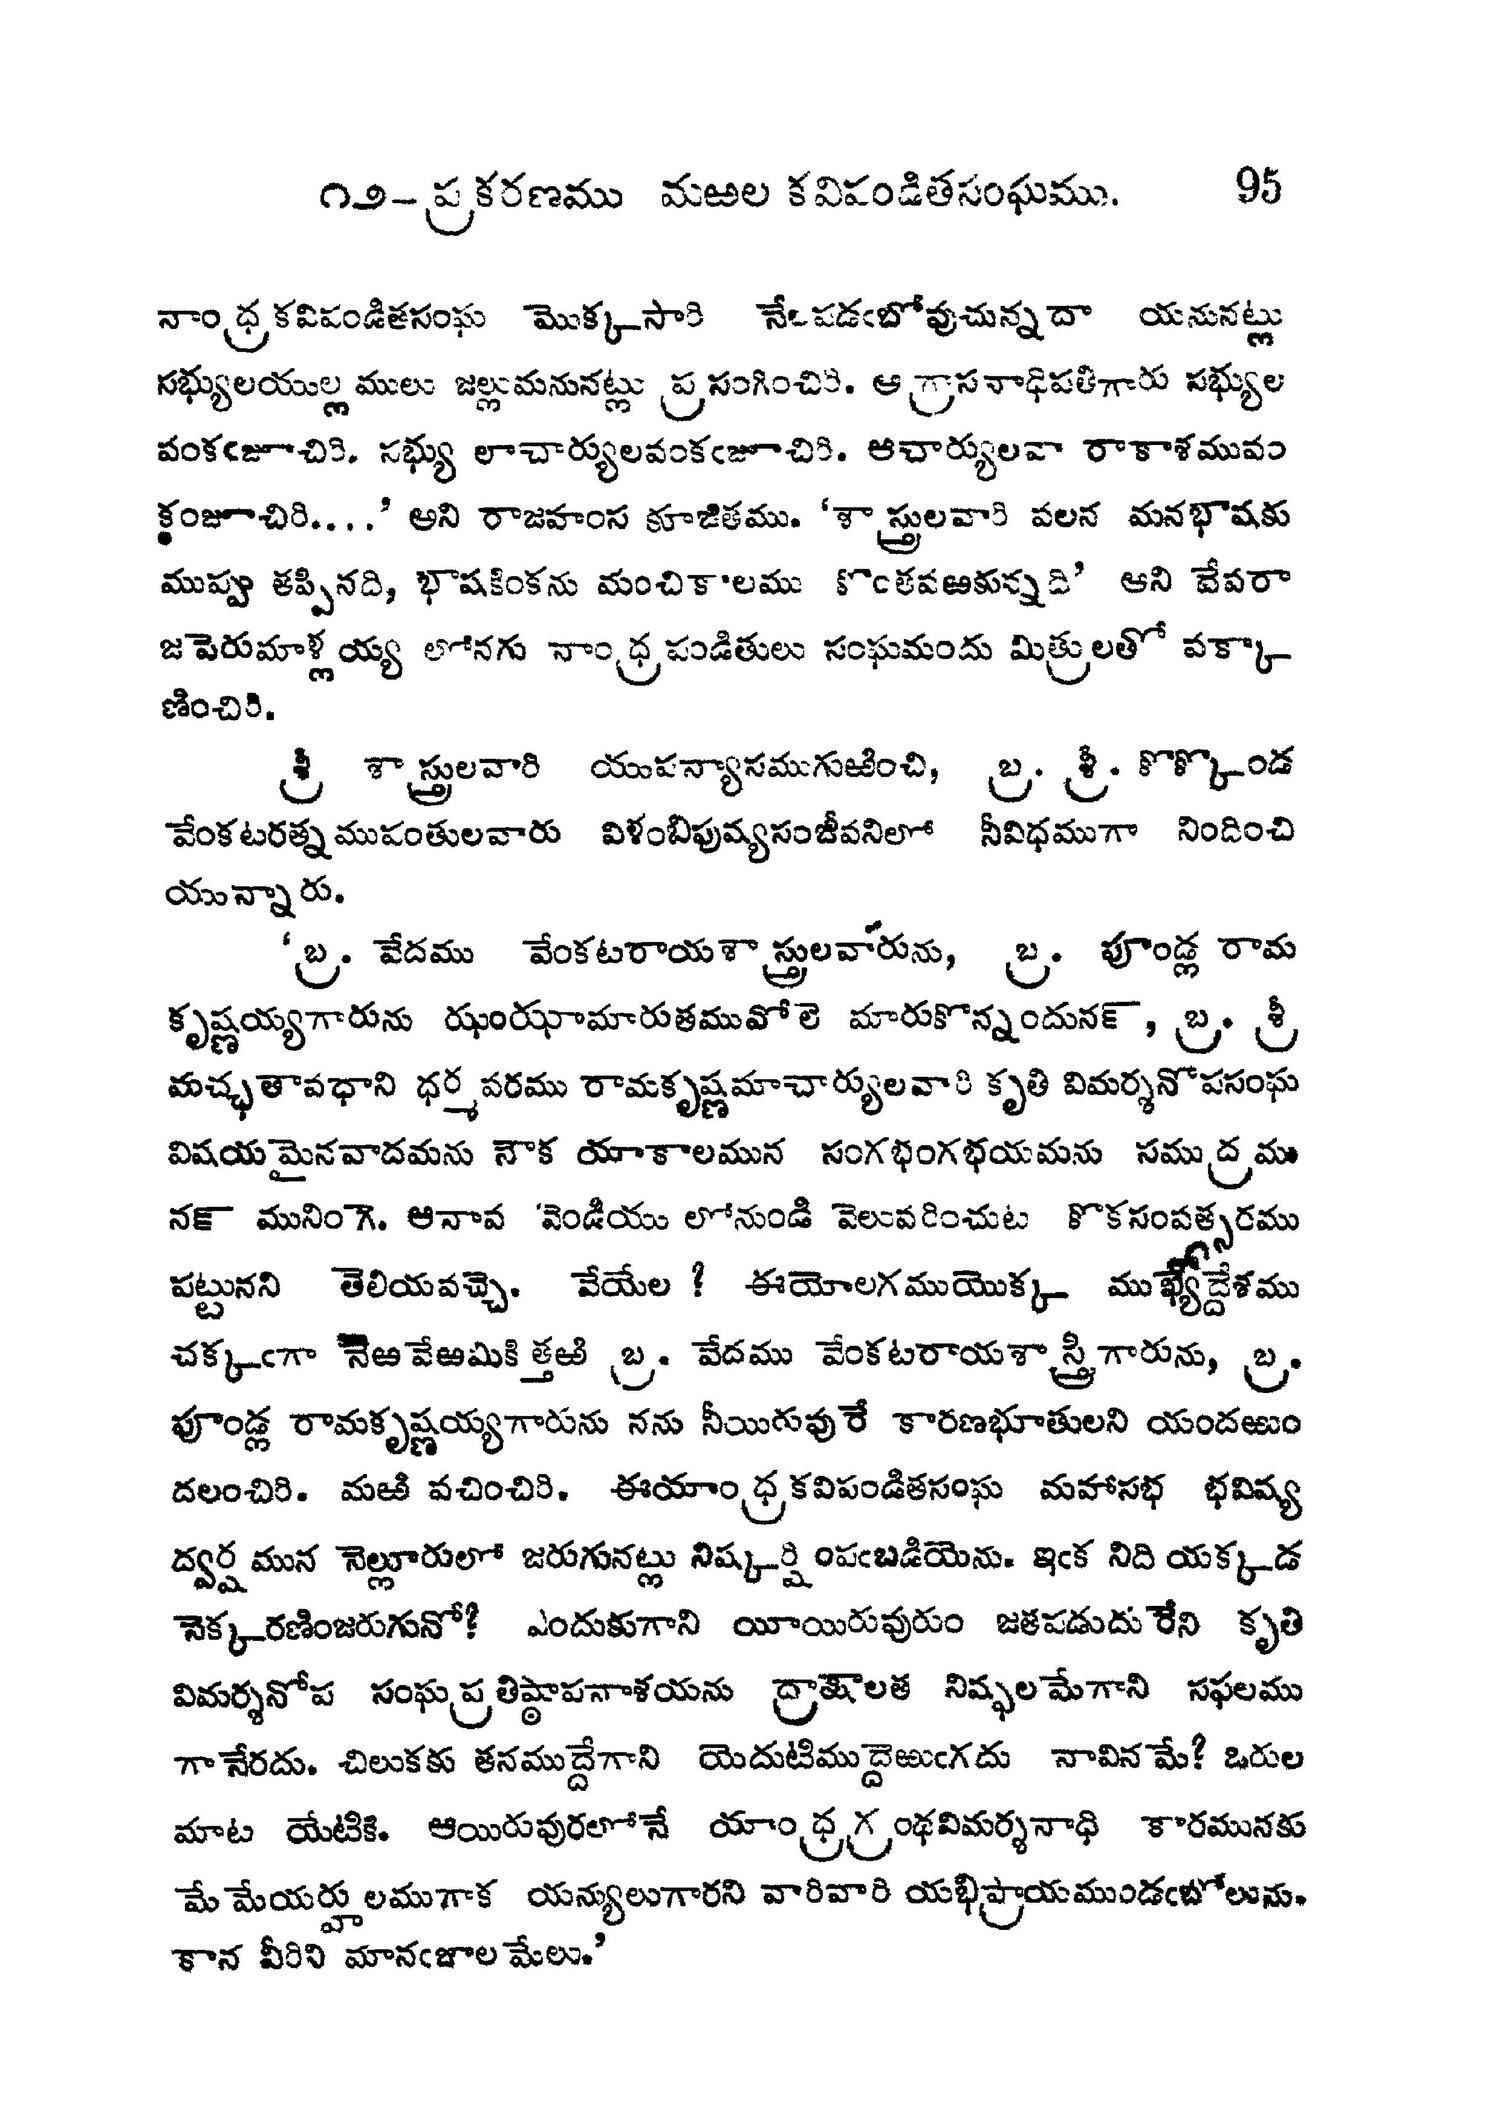నాంధ్రకవిపండితసంఘ మొక్కసారి నేలపడబోవుచున్నదా యనునట్లు సభ్యులయుల్లములు జల్లుమనునట్లు ప్రసంగించిరి. అగ్రాసనాధిపతిగారు సభ్యులవంకజూచిరి. సభ్యు లాచార్యులవంకజూచిరి. ఆచార్యులవా రాకాశమువంకంజూచిరి....' అని రాజహంస కూజితము. 'శాస్త్రులవారి వలన మనభాషకు ముప్పు తప్పినది, భాషకింకను మంచికాలము కొంతవఱకున్నది' అని దేవరాజపెరుమాళ్లయ్య లోనగు నాంధ్రపండితులు సంఘమందు మిత్రులతో వక్కాణించిరి.

శ్రీ శాస్త్రులవారి యుపన్యాసముగుఱించి, బ్ర.శ్రీ. కొక్కొండ వేంకటరత్నముపంతులవారు విళంబిపుష్యసంజీవనిలో నీవిధముగా నిందించి యున్నారు.

'బ్ర. వేదము వేంకటరాయశాస్త్రులవారును, బ్ర. పూండ్ల రామకృష్ణయ్యగారును ఝుంఝామారుతమువోలె మారుకొన్నందునన్, బ్ర.శ్రీ మచ్ఛతావధాని ధర్మవరము రామకృష్ణమాచార్యులవారి కృతి విమర్శనొపసంఘ విషయమైనవాదమను నౌక యాకాలమున సంగభంగభయమను సముద్రమునన్ మునింగె. ఆనావ వెండియు లోనుండి వెలువవరించుట కొకసంవత్సరము పట్టునని తెలియవచ్చె. వేయేల? ఈయోలగముయొక్క ముఖ్యేద్దేశము చక్కగా నెఱవేఱమికిత్తఱి బ్ర. వేదము వేంకటరాయశస్త్రిగారును, బ్ర. పూండ్ల రామకృష్ణయ్యగారును నను నీయిరువురే కారణభూతులని యందఱుం దలంచిరి. మఱి వచించిరి. ఈయాంధ్రకవిపండితసంఘ మహాసభ భవిష్యద్వర్షమున నెల్లూరులో జరుగునట్లు నిష్కర్షింపబడియెను. ఇక నిది యక్కడ నెక్కరణింజరుగునో? ఎందుకుగాని యీయిరువురుం జతపడుదురేని కృతివిమర్శనోప సంఘప్రతిష్ఠాపనాశయమ ద్రాక్షాలత నిష్ఫలమేగాని సఫలము గానేరదు. చిలుకకు తనముద్దేగాని యెదుటిముద్దెఱుగదు నావినమే? ఒరులమాట యేటికి. ఆయిరువురలోనే యాంధ్రగ్రంథవిమర్శనాధి కారమునకు మేమేయర్హులముగాక యన్యులుగారని వారివారి యభిప్రాయముండబోలును. కాన వీరిని మానజాలమేలు.'